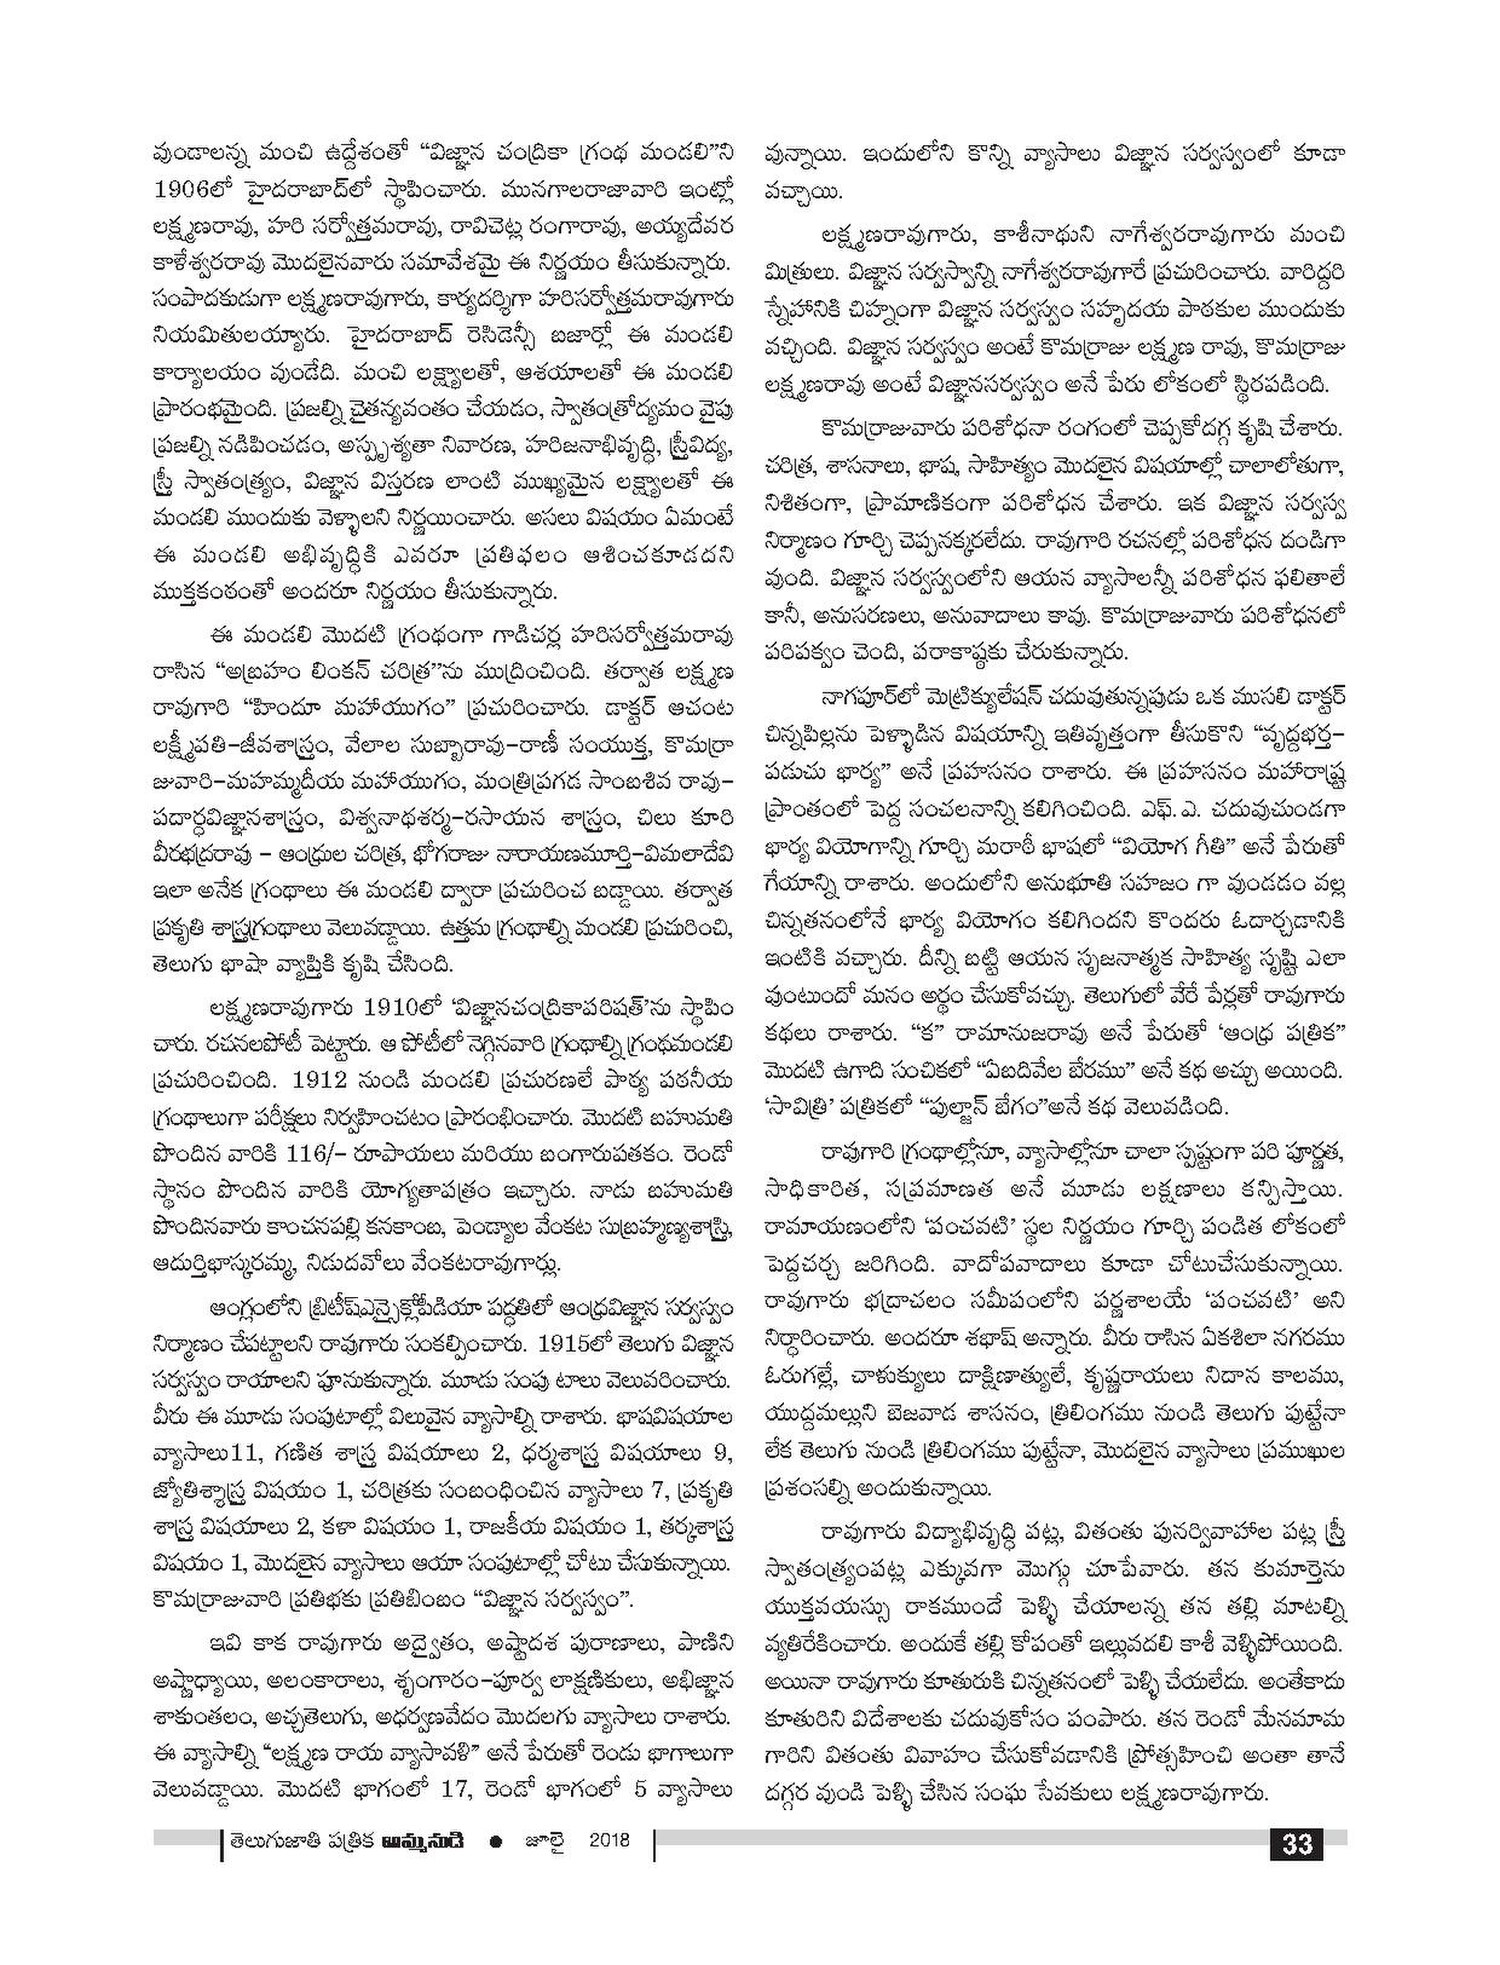వుండాలన్న మంచి ఉద్దేశంతో “విజ్ఞాన చంద్రికా గ్రంథ మండలి"ని 1906లో హైదరాబాద్‌లో స్థాపించారు. మునగాలరాజువారి ఇంట్లో లక్ష్మణరావు, హరి సర్వోత్తమరావు, రావిచెట్ల రంగారావు, అయ్యదేవర కాళేశ్వరరావు మొదలైనవారు సమావేశమై ఈ నిర్ణయం తీసుకున్నారు. సంపాదకుడుగా లక్ష్మణరావుగారు, కార్యదర్శిగా హరిసర్వోత్తమరావుగారు నియమితులయ్యారు. హైదరాబాద్‌ రెసిడెన్సీ బజార్లో ఈ మండలి
కార్యాలయం వుండేది. మంచి లక్ష్యాలతో, ఆశయాలతో ఈ మండలి ప్రారంభమైంది. ప్రజల్ని చైతన్యవంతం చేయడం, స్వాతంత్రోద్యమం వైపు ప్రజల్ని నడిపించడం, అస్పృశ్యతా నివారణ, హరిజనాభివృద్ధి, స్త్రీవిద్య,
స్త్రీ స్వాతంత్ర్యం, విజ్ఞాన విస్తరణ లాంటి ముఖ్యమైన లక్ష్యాలతో ఈ మండలి ముందుకు వెళ్ళాలని నిర్ణయించారు. అసలు విషయం ఏమంటే ఈ మండలి అభివృద్ధికి ఎవరూ ప్రతిఫలం ఆశించకూడదని
ముక్తకంఠంతో అందరూ నిర్ణయం తీసుకున్నారు.

ఈ మండలి మొదటి గ్రంథంగా గాడిచర్ల హరిసర్వోత్తమరావు రాసిన “అబ్రహం లింకన్‌ చరిత్ర"ను ముద్రించింది. తర్వాత లక్ష్మణ రావుగారి “హిందూ మహాయుగం” ప్రచురించారు. డాక్టర్‌ ఆచంట
లక్ష్మీపతి-జీవశాస్త్రం, వేలాల సుబ్బారావు-రాణీ సంయుక్త, కొమర్రాజువారి-మహమ్మదీయ మహాయుగం, మంత్రిప్రగడ సాంబశివ రావు-పదార్ధవిజ్ఞానశాస్త్రం, విశ్వనాథశర్మ-రసాయన శాస్త్రం, చిలుకూరి వీరభద్రరావు - ఆంధ్రుల చరిత్ర, భోగరాజు నారాయణమూర్తి-విమలాదేవి ఇలా అనేక గ్రంథాలు ఈ మండలి ద్వారా ప్రచురించ బడ్డాయి. తర్వాత ప్రకృతి శాస్త్రగ్రంథాలు వెలువడ్డాయి. ఉత్తను గ్రంథాల్ని మండలి ప్రచురించి, తెలుగు భాషా వ్యాప్తికి కృషి చేసింది.

లక్ష్మణరావుగారు 1910లో "విజ్ఞానచంద్రికాపరిషత్‌"ను స్థాపించారు. రచనలపోటీ పెట్టారు. ఆ పోటీలో నెగ్గినవారి గ్రంథాల్ని గ్రంథమండలి ప్రచురించింది. 1912 నుండి మండలి ప్రచురణలే పాఠ్య పఠనీయ
గ్రంథాలుగా పరీక్షలు నిర్వహించటం ప్రారంభించారు. మొదటి బహుమతి పొందిన వారికి 116/- రూపాయలు మరియు బంగారుపతకం. రెండో స్థానం పొందిన వారికి యోగ్యతాపత్రం ఇచ్చారు. నాడు బహుమతి
పొందినవారు కాంచనపల్లి కనకాంబ, పెంద్యాల వేంకట సుబ్రహ్మణ్యశాస్త్రి, ఆదుర్తి భాస్కరమ్మ, నిడుదవోలు వేంకటరావుగార్లు.

ఆంగ్లంలోని బ్రిటీష్‌ ఎన్సైక్లోపీడియా పద్ధతిలో ఆంధ్రవిజ్ఞాన సర్వస్వం నిర్మాణం చేపట్టాలని రావుగారు సంకల్పించారు. 1915లో తెలుగు విజ్ఞాన సర్వస్వం రాయాలని పూనుకున్నారు. మూడు సంపుటాలు వెలువరించారు. వీరు ఈ మూడు సంపుటాల్లో విలువైన వ్యాసాల్ని రాశారు. భాషవిషయాల వ్యాసాలు 11, గణిత శాస్త్ర విషయాలు 2, ధర్మశాస్త్ర విషయాలు 9, జ్యోతిశ్శాస్త్ర విషయం 1, చరిత్రకు సంబంధించిన వ్యాసాలు 7, ప్రకృతి శాస్త్ర విషయాలు 2, కళా విషయం 1, రాజకీయ విషయం 11, తర్మశాస్త్ర విషయం 1, మొదలైన వ్యాసాలు ఆయా సంపుటాల్లో చోటు చేసుకున్నాయి. కొమర్రాజువారి ప్రతిభకు ప్రతిబింబం “విజ్ఞాన సర్వస్వం”.

ఇవి కాక రావుగారు అద్వైతం, అష్టాదశ పురాణాలు, పాణిని అష్టాధ్యాయి, అలంకారాలు, శృంగారం-పూర్వ లాక్షణికులు, అభిజ్ఞాన శాకుంతలం, అచ్చతెలుగు, అధర్వణవేదం మొదలగు వ్యాసాలు రాశారు. ఈ వ్యాసాల్ని “లక్ష్మణ రాయ వ్యాసావళి” అనే పేరుతో రెండు భాగాలుగా వెలువడ్డాయి. మొదటి భాగంలో 17, రెండో భాగంలో 5 వ్యాసాలు వున్నాయి. ఇందులోని కొన్ని వ్యాసాలు విజ్ఞాన సర్వస్వంలో కూడా వచ్చాయి.

లక్ష్మణరావుగారు, కాశీనాథుని నాగేశ్వరరావుగారు మంచి మిత్రులు. విజ్ఞాన సర్వస్వాన్ని నాగేశ్వరరావుగారే ప్రచురించారు. వారిద్దరి స్నేహానికి చిహ్నంగా విజ్ఞాన సర్వస్వం సహృదయ పాఠకుల ముందుకు వచ్చింది. విజ్ఞాన సర్వస్వం అంటే కొమర్రాజు లక్ష్మణ రావు, కొమర్రాజు లక్ష్మణరావు అంటే విజ్ఞానసర్వస్వం అనే పేరు లోకంలో స్థిరపడింది.

కొమగ్రాజువారు పరిశోధనా రంగంలో చెప్పకోదరగ్గ కృషి చేశారు. చరిత్ర, శాసనాలు, భాష, సాహిత్యం మొదలైన విషయాల్లో చాలాలోతుగా, నిశితంగా, ప్రామాణికంగా పరిశోధన చేశారు. ఇక విజ్ఞాన సర్వస్వ
నిర్మాణం గూర్చి చెప్పనక్కరలేదు. రావుగారి రచనల్లో పరిశోధన దండిగా వుంది. విజ్ఞాన సర్వస్వంలోని ఆయన వ్యాసాలన్నీ పరిశోధన ఫలితాలే కానీ, అనుసరణలు, అనువాదాలు కావు. కొమర్రాజువారు పరిశోధనలో
పరిపక్వం చెంది, పరాకాష్టకు చేరుకున్నారు.

నాగపూర్‌లో మెట్రిక్యులేషన్‌ చదువుతున్నపుడు ఒక ముసలి డాక్టర్‌ చిన్నపిల్లను పెళ్ళాడిన విషయాన్ని ఇతివృత్తంగా తీసుకొని “వృద్దభర్త-పడుచు భార్య” అనే ప్రహసనం రాశారు. ఈ ప్రహసనం మహారాష్ట్ర
ప్రాంతంలో పెద్ద సంచలనాన్ని కలిగించింది. ఎఫ్‌.ఎ. చదువుచుండగా భార్య వియోగాన్ని గూర్చి మరాఠీ భాషలో “వియోగ గీతి” అనే పేరుతో గేయాన్ని రాశారు. అందులోని అనుభూతి సహజం గా వుండడం వల్ల
చిన్నతనంలోనే భార్య వియోగం కలిగిందని కొందరు ఓదార్చడానికి ఇంటికి వచ్చారు. దీన్ని బట్టి ఆయన సృజనాత్మక సాహిత్య సృష్టి ఎలా వుంటుందో మనం అర్ధం చేసుకోవచ్చు. తెలుగులో వేరే పేర్లతో రావుగారు
కథలు రాశారు. “క” రామానుజరావు అనే పేరుతో 'ఆంధ్ర పత్రిక" మొదటి ఉగాది సంచికలో “ఏబదివేల బేరము” అనే కథ అచ్చు అయింది. 'సావిత్రి' పత్రికలో “పుల్చాన్‌ బేగం”అనే కథ వెలువడింది.

రావుగారి గ్రంథాల్లోనూ, వ్యాసాల్లోనూ చాలా స్పష్టంగా పరిపూర్ణత, సాధికారిత, సప్రమాణత అనే మూడు లక్షణాలు కన్పిస్తాయి. రామాయణంలోని "పంచవటి” స్థల నిర్ణయం గూర్చి పండిత లోకంలో పెద్దచర్చ జరిగింది. వాదోపవాదాలు కూడా చోటుచేసుకున్నాయి. రావుగారు భద్రాచలం సమీపంలోని పర్ణశాలయే "వంచవటి" అని నిర్ధారించారు. అందరూ శభాష్‌ అన్నారు. వీరు రాసిన ఏకశిలా నగరము
'ఓరుగల్లే, చాళుక్యులు దాక్షిణాత్యులే, కృష్ణరాయలు నిదాన కాలము, యుద్దమల్లుని బెజవాడ శాసనం, త్రిలింగము నుండి తెలుగు పుట్టేనా లేక తెలుగు నుండి త్రిలింగము పుట్టేనా, మొదలైన వ్యాసాలు ప్రముఖుల
ప్రశంసల్ని అందుకున్నాయి.

రావుగారు విద్యాభివృద్ధి పట్ల వితంతు పునర్వివాహాల పట్ల స్త్రీ స్వాతంత్ర్యంపట్ల ఎక్కువగా మొగ్గు చూపేవారు. తన కుమార్తెను యుక్తవయస్సు రాకముందే పెళ్ళి చేయాలన్న తన తల్లి మాటల్ని వ్యతిరేకించారు. అందుకే తల్లి కోపంతో ఇల్లువదలి కాశీ వెళ్ళిపోయింది. అయినా రావుగారు కూతురుకి చిన్నతనంలో పెళ్ళి చేయలేదు. అంతేకాదు కూతురిని విదేశాలకు చదువుకోసం పంపారు. తన రెండో మేనమామ గారిని వితంతు వివాహం చేసుకోవడానికి ప్రోత్సహించి అంతా తానే దగ్గర వుండి పెళ్ళి చేసిన సంఘ సేవకులు లక్ష్మణరావుగారు.